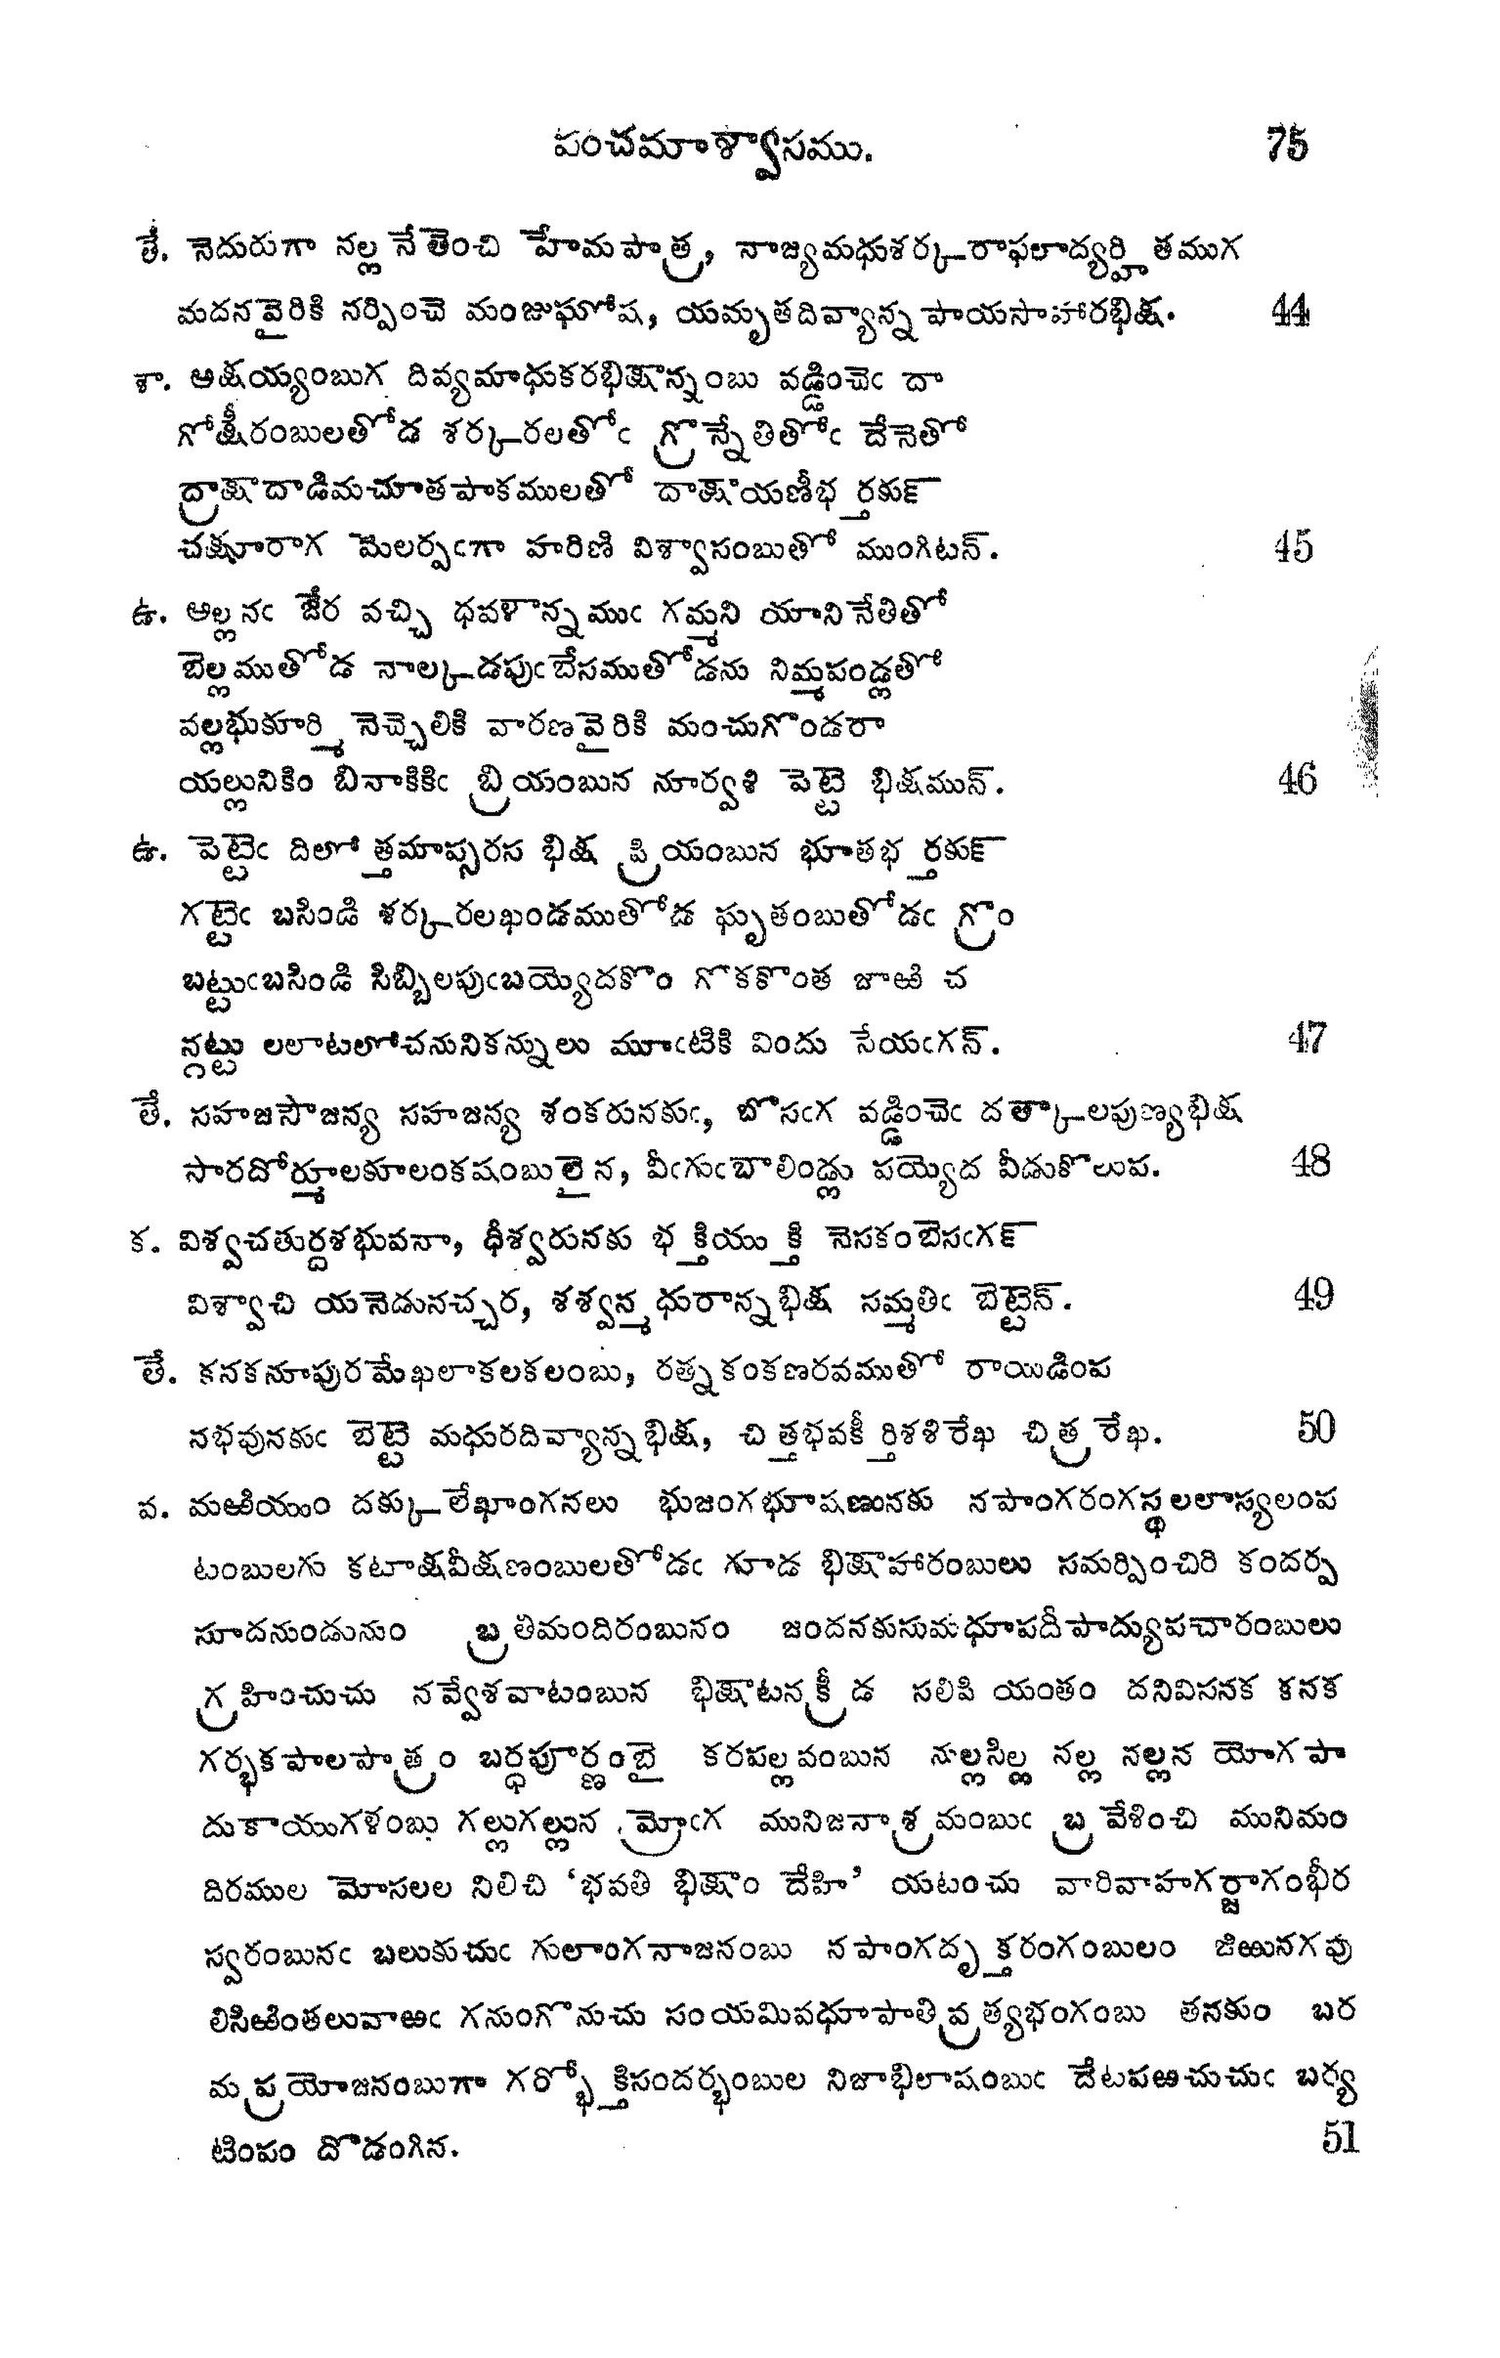తే. నెదురుగా నల్ల నేతెంచి హేమపాత్ర, నాజ్యమధుశర్కరాఫలాద్యర్హితముగ
మదనవైరికి నర్పించె మంజుఘోష, యమృతదివ్యాన్నపాయసాహారభిక్ష. 44

శా. అక్షయ్యంబుగ దివ్యమాధుకరభిక్షాన్నంబు వడ్డించెఁ దా
గోక్షీరంబులతోడ శర్కరలతోఁ గ్రొన్నేతితోఁ దేనెతో
ద్రాక్షాదాడిమచూతపాకములతో దాక్షాయణీభర్తకున్
చక్షూరాగ మెలర్పఁగా హరిణి విశ్వాసంబుతో ముంగిటన్. 45

ఉ. అల్లనఁ జేర వచ్చి ధవళాన్నముఁ గమ్మని యానినేతితో
బెల్లముతోడ నాల్కడపుఁబేసముతోడను నిమ్మపండ్లతో
వల్లభుకూర్మి నెచ్చెలికి వారణవైరికి మంచుగొండరా
యల్లునికిం బినాకికిఁ బ్రియంబున నూర్వశి పెట్టె భిక్షమున్. 46

ఉ. పెట్టెఁ దిలోత్తమాప్సరస భిక్ష ప్రియంబున భూతభర్తకున్
గట్టెఁ బసిండి శర్కరలఖండముతోడ ఘృతంబుతోడఁ గ్రొం
బట్టుఁబసిండి సిబ్బిలపుఁబయ్యెదకొం గొకకొంత జాఱి చ
న్గట్టు లలాటలోచనునికన్నులు మూఁటికి విందు సేయఁగన్. 47

తే. సహజసౌజన్య సహజన్య శంకరునకుఁ, బొసఁగ వడ్డించెఁ దత్కాలపుణ్యభిక్ష
సారదోర్మూలకూలంకషంబులైన, వీఁగుఁబాలిండ్లు పయ్యెద వీడుకొలుప. 48

క. విశ్వచతుర్దశభువనా, ధీశ్వరునకు భక్తియుక్తి నెసకంబెసఁగన్
విశ్వాచి యనెడునచ్చర, శశ్వన్మధురాన్నభిక్ష సమ్మతిఁ బెట్టెన్. 49

తే. కనకనూపురమేఖలాకలకలంబు, రత్నకంకణరవముతో రాయిడింప
నభవునకుఁ బెట్టె మధురదివ్యాన్నభిక్ష, చిత్తభవకీర్తిశశిరేఖ చిత్రరేఖ. 50

వ. మఱియుం దక్కులేఖాంగనలు భుజంగభూషణంనకు నపొంగరంగస్థలలాస్యలంపటంబులగు కటాక్షవీక్షణంబులతోడఁ గూడ భిక్షాహారంబులు సమర్పించిరి కందర్పసూదనుండునుం బ్రతిమందిరంబునం జందనకుసుమధూపదీపాద్యుపచారంబులు గ్రహించుచు నవ్వేశవాటంబున భిక్షాటనక్రీడ సలిపి యంతం దనివిసనక కనకగర్భకపాలపాత్రం బర్ధపూర్ణంబై కరపల్లవంబున నుల్లసిల్ల నల్లనల్లన యోగపాదుకాయుగళంబు గల్లుగల్లున మ్రోఁగ మునిజనాశ్రమంబుఁ బ్రవేశించి మునిమందిరముల మోసలల నిలిచి 'భవతి భిక్షాం దేహి' యటంచు వారివాహగర్జాగంభీరస్వరంబునఁ బలుకుచుఁ గులాంగనాజనంబు నపాంగదృక్తరంగంబులం జిఱునగవు లిసిఱింతలువాఱఁ గనుంగొనుచు సంయమివధూపాతివ్రత్యభంగంబు తనకుం బరమప్రయోజనంబుగా గర్భోక్తిసందర్భంబుల నిజాభిలాషంబుఁ దేటపఱచుచుఁ బర్యటింపం దొడంగిన. 51